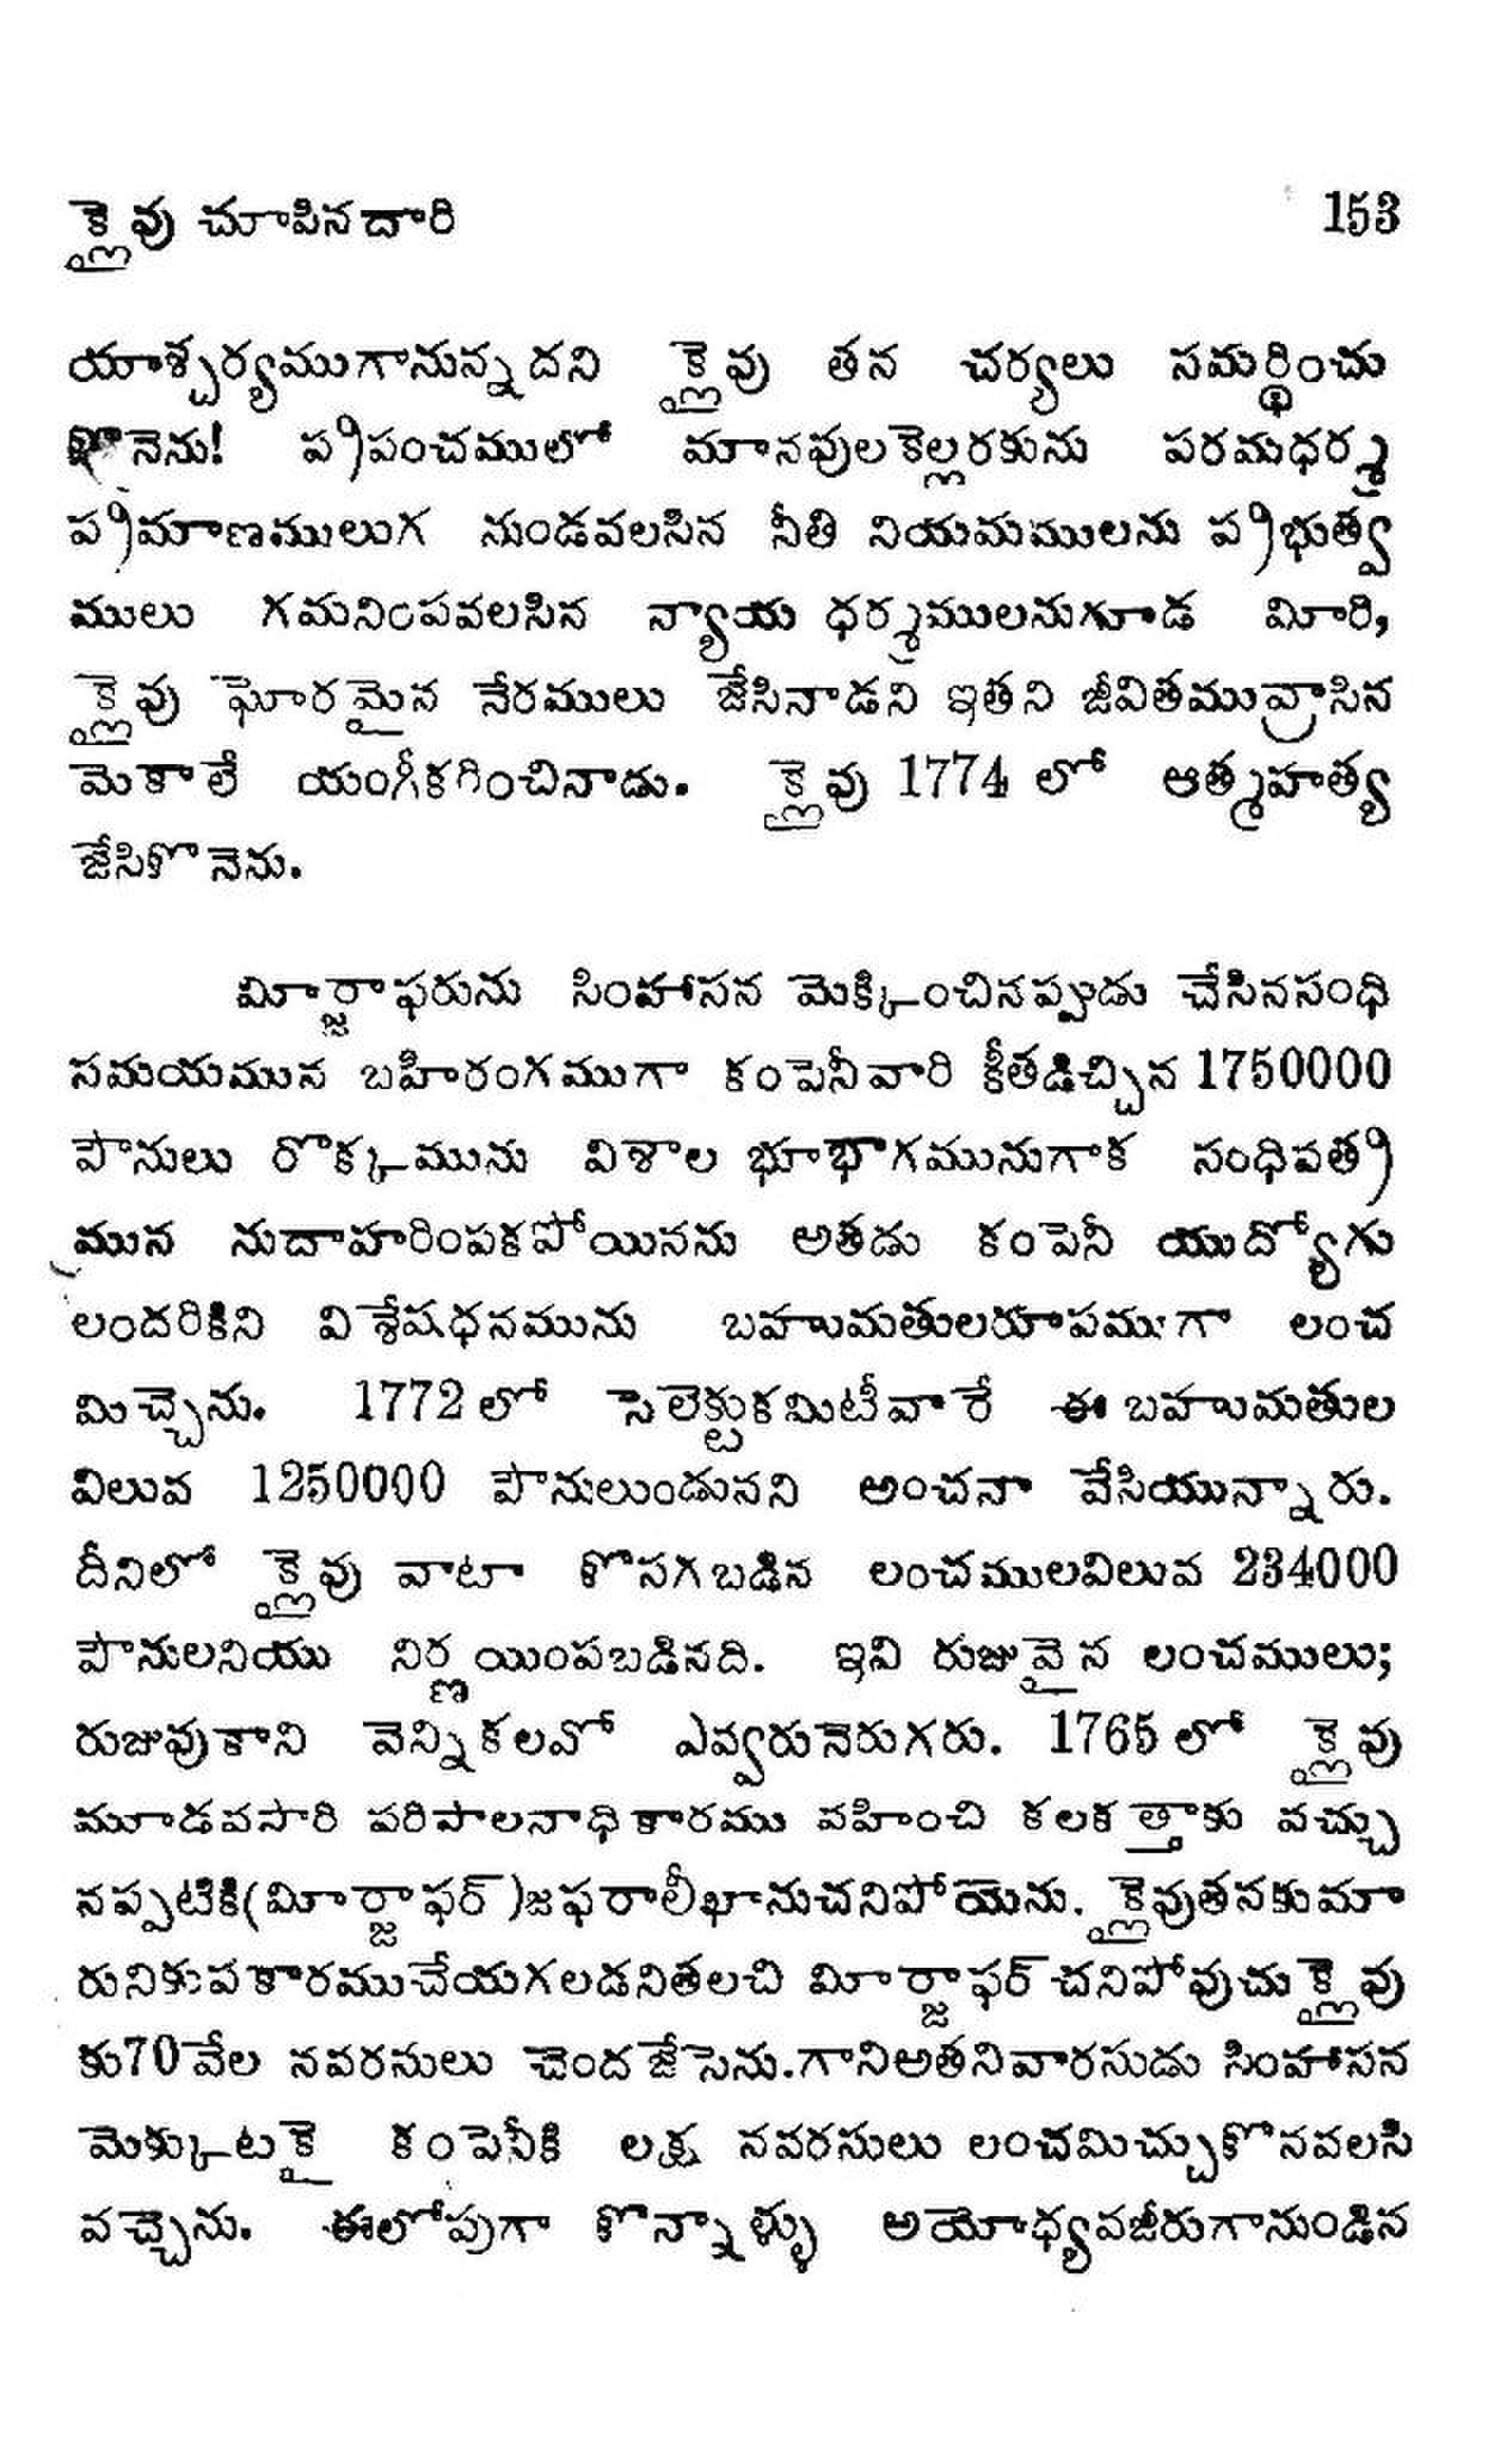యాశ్చర్యముగానున్నదని క్లైవు తన చర్యలు సమర్ధించుకొనెను! ప్రపంచములో మానవులకెల్లరకును పరమధర్మ ప్రమాణములుగ నుండవలసిన నీతి నియమములను ప్రభుత్వములు గమనింపవలసిన న్యాయ ధర్మములనుగూడ మీరి, క్లైవు ఘోరమైన నేరములు జేసినాడని ఇతని జీవితమువ్రాసిన మెకాలే యంగీకరించినాడు. క్లైవు 1774 లో ఆత్మహత్య జేసికొనెను.

మీర్జాఫరును సింహాసన మెక్కించినప్పుడు చేసినసంధి సమయమున బహిరంగముగా కంపెనీవారి కీతడిచ్చిన 1750000 పౌనులు రొక్కమును విశాల భూభాగమునుగాక సంధిపత్రమున నుదాహరింపకపోయినను అతడు కంపెనీ యుద్యోగు లందరికిని విశేషధనమును బహుమతులరూపముగా లంచమిచ్చెను. 1772 లో సెలెక్టుకమిటీవారే ఈ బహుమతుల విలువ 1250000 పౌనులుండునని అంచనా వేసియున్నారు. దీనిలో క్లైవు వాటా కొసగబడిన లంచములవిలువ 234000 పౌనులనియు నిర్ణయింపబడినది. ఇవి రుజువైన లంచములు; రుజువుకాని వెన్నికలవో ఎవ్వరునెరుగరు. 1765 లో క్లైవు మూడవసారి పరిపాలనాధికారము వహించి కలకత్తాకు వచ్చునప్పటికి(మీర్జాఫర్) జఫరాలీఖాను చనిపోయెను. క్లైవుతనకుమారునికుపకారముచేయగలడని తలచి మీర్జాఫర్ చనిపోవుచు క్లైవుకు 70 వేల నవరసులు చెందజేసెను. గాని అతని వారసుడు సింహాసన మెక్కుటకై కంపెనీకి లక్ష నవరసులు లంచమిచ్చుకొనవలసి వచ్చెను. ఈలోపుగా కొన్నాళ్ళు అయోధ్యవజీరుగానుండిన